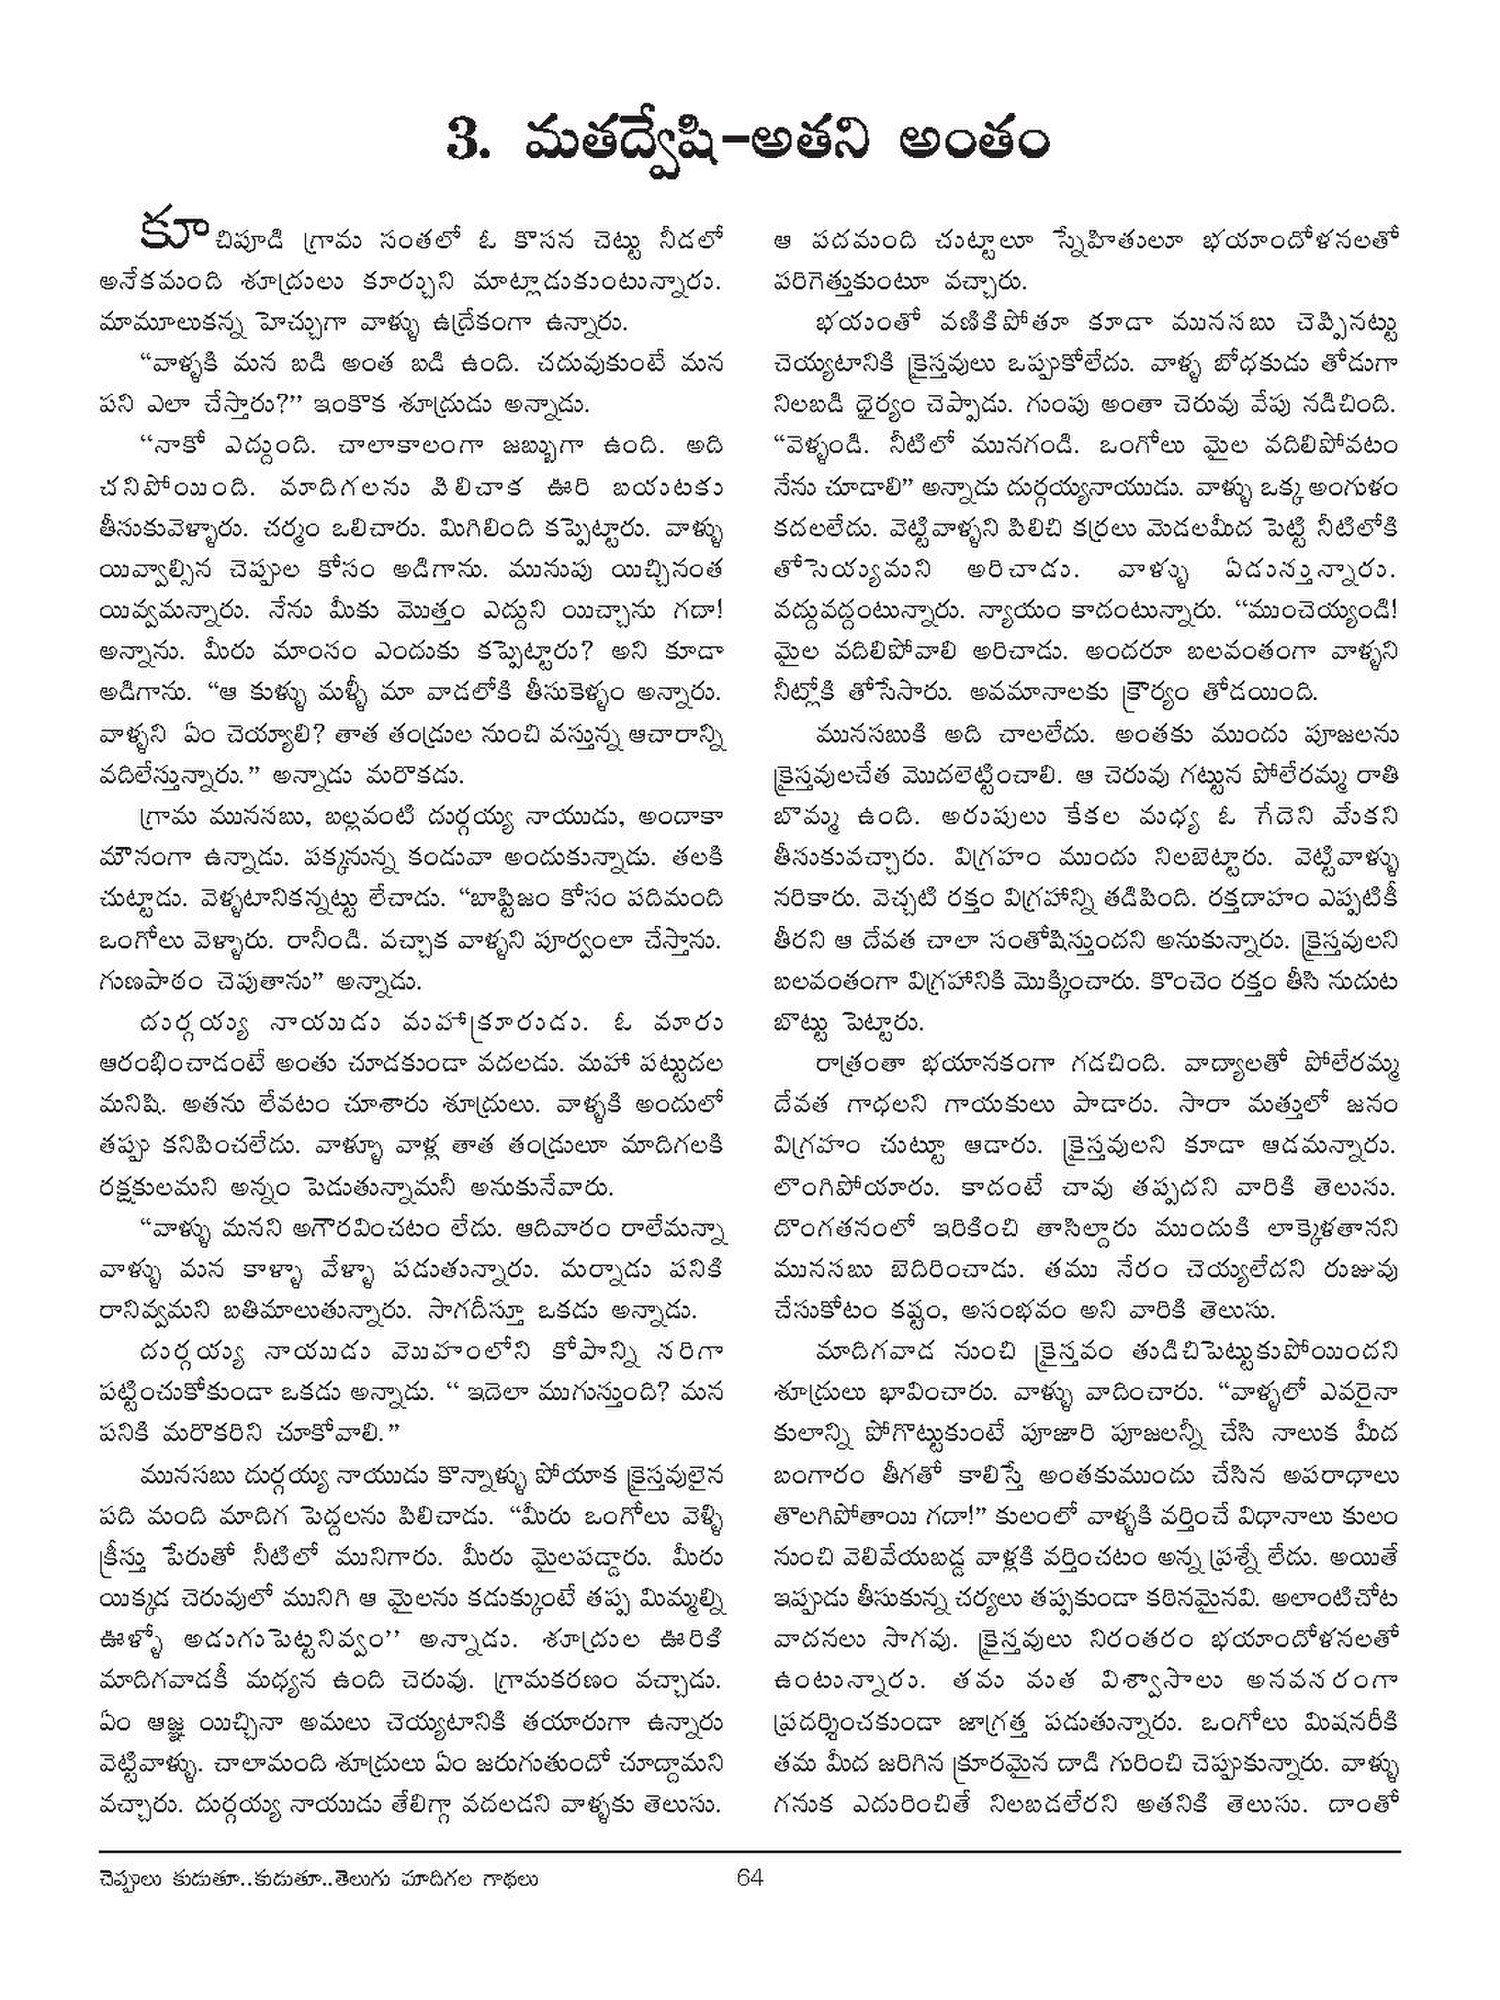3. మతద్వేషి - అతని అంతం

చిపూడి గ్రామ సంతలో ఓ కొసన చెట్టు నీడలో అనేకమంది శూద్రులు కూర్చుని మాట్లాడుకుంటున్నారు.
మామూలుకన్న హెచ్చుగా వాళ్ళు ఉద్రేకంగా ఉన్నారు.

“వాళ్ళకి మన బడి అంత బడి ఉంది. చదువుకుంటే మన పని ఎలా చేస్తారు?" ఇంకొక శూద్రుడు అన్నాడు.

“నాకో ఎద్దుంది. చాలాకాలంగా జబ్బుగా ఉంది. అది చనిపోయింది. మాదిగలను పిలిచాక ఊరి బయటకు తీసుకువెళ్ళారు. చర్మం ఒలిచారు. మిగిలింది కప్పెట్టారు. వాళ్ళు యివ్వాల్సిన చెప్పుల కోసం అడిగాను. మునుపు యిచ్చినంత యివ్వమన్నారు. నేను మీకు మొత్తం ఎద్దుని యిచ్చాను గదా! అన్నాను. మీరు మాంసం ఎందుకు కప్పెట్టారు? అని కూడా అడిగాను. "ఆ కుళ్ళు మళ్ళీ మా వాడలోకి తీసుకెళ్ళం అన్నారు. వాళ్ళని ఏం చెయ్యాలి? తాత తండ్రుల నుంచి వస్తున్న ఆచారాన్ని వదిలేస్తున్నారు.” అన్నాడు మరొకడు.

గ్రామ మునసబు, బల్లవంటి దుర్గయ్య నాయుడు, అందాకా మౌనంగా ఉన్నాడు. పక్కనున్న కండువా అందుకున్నాడు. తలకి చుట్టాడు. వెళ్ళటానికన్నట్టు లేచాడు. "బాప్టిజం కోసం పదిమంది ఒంగోలు వెళ్ళారు. రానీండి. వచ్చాక వాళ్ళని పూర్వంలా చేస్తాను. గుణపాఠం చెపుతాను" అన్నాడు.

దుర్గయ్య నాయుడు మహాక్రూరుడు. ఓ మారు ఆరంభించాడంటే అంతు చూడకుండా వదలడు. మహా పట్టుదల మనిషి. అతను లేవటం చూశారు శూద్రులు. వాళ్ళకి అందులో తప్పు కనిపించలేదు. వాళ్ళూ వాళ్ల తాత తండ్రులు మాదిగలకి రక్షకులమని అన్నం పెడుతున్నామని అనుకునేవారు.

“వాళ్ళు మనని అగౌరవించటం లేదు. ఆదివారం రాలేమన్నా వాళ్ళు మన కాళ్ళ వేళ్ళా పడుతున్నారు. మర్నాడు పనికి రానివ్వమని బతిమాలుతున్నారు. సాగదీస్తూ ఒకడు అన్నాడు.

దుర్గయ్య నాయుడు మొహంలోని కోపాన్ని సరిగా పట్టించుకోకుండా ఒకడు అన్నాడు. "ఇదెలా ముగుస్తుంది? మన పనికి మరొకరిని చుకోవాలి.”

మునసబు దుర్గయ్య నాయుడు కొన్నాళ్ళు పోయాక క్రైస్తవులైన పది మంది మాదిగ పెద్దలను పిలిచాడు. "మీరు ఒంగోలు వెళ్ళి క్రీస్తు పేరుతో నీటిలో మునిగారు. మీరు మైలపడ్డారు. మీరు యిక్కడ చెరువులో మునిగి ఆ మైలను కడుక్కుంటే తప్ప మిమ్మల్ని ఊళ్ళో అడుగు పెట్టనివ్వం” అన్నాడు. శూద్రుల ఊరికి
మాదిగవాడకీ మధ్యన ఉంది చెరువు. గ్రామకరణం వచ్చాడు. ఏం ఆజ్ఞ యిచ్చినా అమలు చెయ్యటానికి తయారుగా ఉన్నారు వెట్టివాళ్ళు. చాలామంది శూద్రులు ఏం జరుగుతుందో చూద్దామని వచ్చారు. దుర్గయ్య నాయుడు తేలిగ్గా వదలడని వాళ్ళకు తెలుసు. ఆ పదమంది చుట్టాలూ స్నేహితులూ భయాందోళనలతో
పరిగెత్తుకుంటూ వచ్చారు.

భయంతో వణికిపోతూ కూడా మునసబు చెప్పినట్టు చెయ్యటానికి క్రైస్తవులు ఒప్పుకోలేదు. వాళ్ళ బోధకుడు తోడుగా నిలబడి ధైర్యం చెప్పాడు. గుంపు అంతా చెరువు వేపు నడిచింది. "వెళ్ళండి. నీటిలో మునగండి, ఒంగోలు మైల వదిలిపోవటం నేను చూడాలి” అన్నాడు దుర్గయ్యనాయుడు. వాళ్ళు ఒక్క అంగుళం కదలలేదు. వెట్టివాళ్ళని పిలిచి కర్రలు మెడలమీద పెట్టి నీటిలోకి తోసెయ్యమని అరిచాడు. వాళ్ళు ఏడుస్తున్నారు. వద్దువద్దంటున్నారు. న్యాయం కాదంటున్నారు. “ముంచెయ్యండి! మైల వదిలిపోవాలి అరిచాడు. అందరూ బలవంతంగా వాళ్ళని నీట్లోకి తోసేసారు. అవమానాలకు క్రౌర్యం తోడయింది.

మునసబుకి అది చాలలేదు. అంతకు ముందు పూజలను క్రైస్తవులచేత మొదలెట్టించాలి. ఆ చెరువు గట్టున పోలేరమ్మ రాతి బొమ్మ ఉంది. అరుపులు కేకల మధ్య ఓ గేదెని మేకని తీసుకువచ్చారు. విగ్రహం ముందు నిలబెట్టారు. వెట్టివాళ్ళు నరికారు. వెచ్చటి రక్తం విగ్రహాన్ని తడిపింది. రక్తదాహం ఎప్పటికీ తీరని ఆ దేవత చాలా సంతోషిస్తుందని అనుకున్నారు. క్రైస్తవులని బలవంతంగా విగ్రహానికి మొక్కించారు. కొంచెం రక్తం తీసి నుదుట బొట్టు పెట్టారు.

రాత్రంతా భయానకంగా గడిచింది. వాద్యాలతో పోలేరమ్మ దేవత గాధలని గాయకులు పాడారు. సారా మత్తులో జనం విగ్రహం చుట్టు ఆడారు. క్రైస్తవులని కూడా ఆడమన్నారు. లొంగిపోయారు. కాదంటే చావు తప్పదని వారికి తెలుసు. దొంగతనంలో ఇరికించి తాసిల్దారు ముందుకి లాక్కెళతానని మునసబు బెదిరించాడు. తము నేరం చెయ్యలేదని రుజువు చేసుకోటం కష్టం, అసంభవం అని వారికి తెలుసు.

మాదిగవాడ నుంచి క్రైస్తవం తుడిచిపెట్టుకుపోయిందని శూద్రులు భావించారు. వాళ్ళు వాదించారు. "వాళ్ళలో ఎవరైనా కులాన్ని పోగొట్టుకుంటే పూజారి పూజలన్నీ చేసి నాలుక మీద బంగారం తీగతో కాలిస్తే అంతకుముందు చేసిన అపరాధాలు తొలగిపోతాయి గదా!” కులంలో వాళ్ళకి వర్తించే విధానాలు కులం
నుంచి వెలివేయబడ్డ వాళ్లకి వర్తించటం అన్న ప్రశ్నే లేదు. అయితే ఇప్పుడు తీసుకున్న చర్యలు తప్పకుండా కఠినమైనవి. అలాంటి చోట వాదనలు సాగవు. క్రైస్తవులు నిరంతరం భయాందోళనలతో ఉంటున్నారు. తమ మత విశ్వాసాలు అనవసరంగా ప్రదర్శించకుండా జాగ్రత్త పడుతున్నారు. ఒంగోలు మిషనరీకి తమ మీద జరిగిన క్రూరమైన దాడి గురించి చెప్పుకున్నారు. వాళ్ళు గనుక ఎదురించితే నిలబడలేరని అతనికి తెలుసు. దాంతో